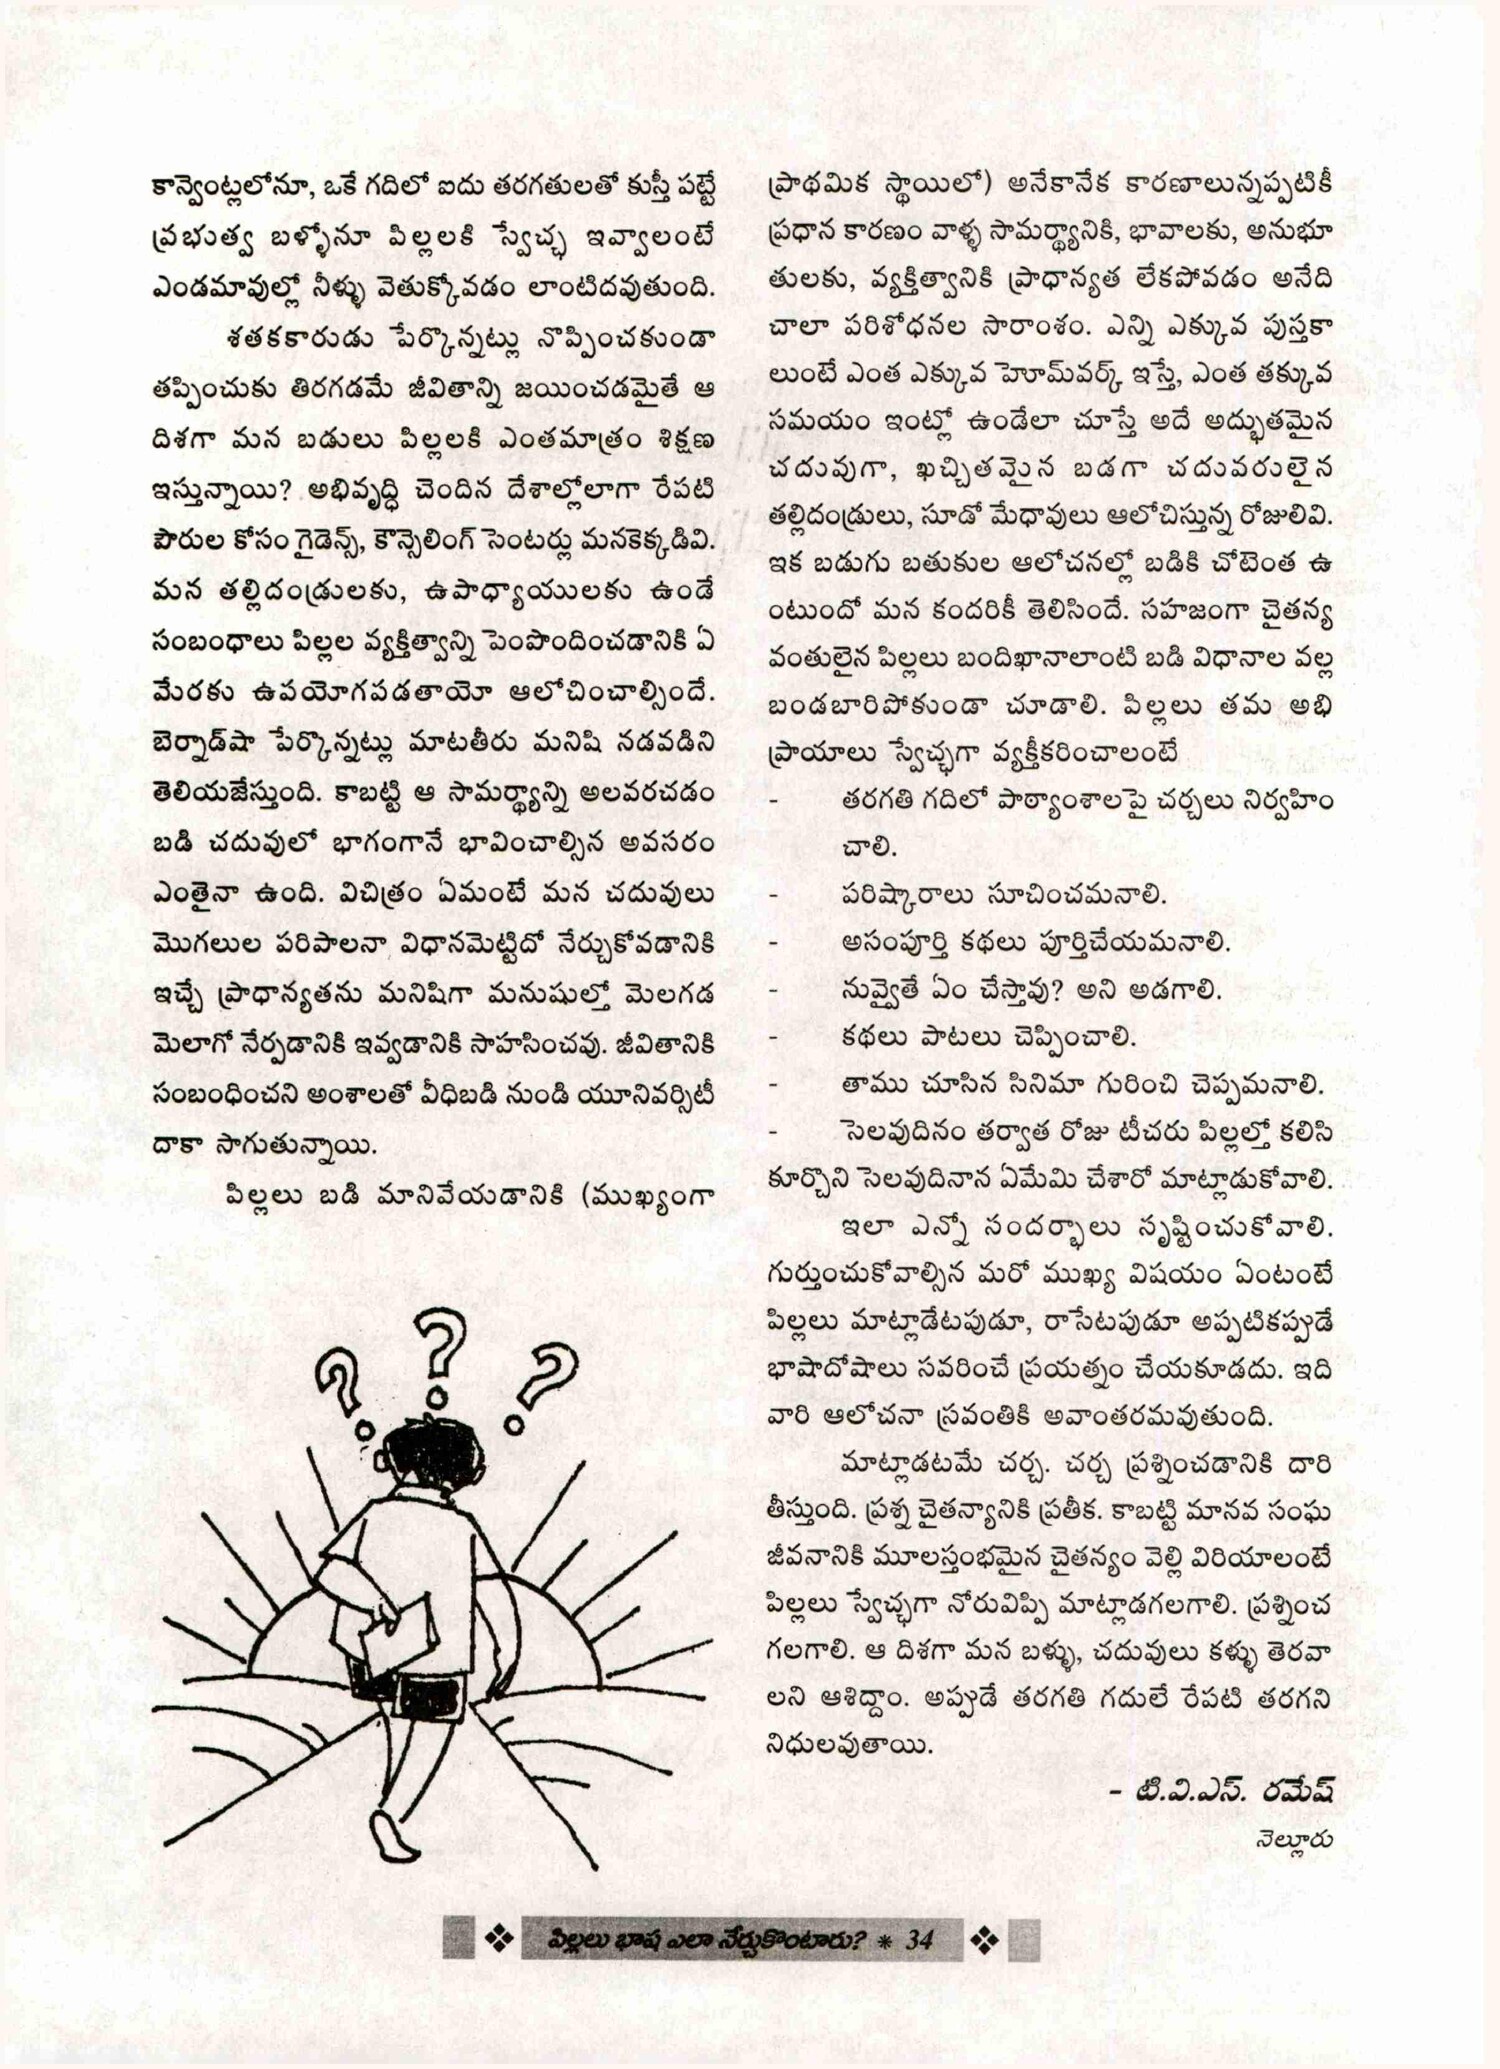కాన్వెంట్లలోనూ, ఒకే గదిలో ఐదు తరగతులతో కుస్తీ పట్టే ప్రభుత్వ బళ్ళోనూ పిల్లలకి స్వేచ్ఛ ఇవ్వాలంటే ఎండమావుల్లో నీళ్ళు వెతుక్కోవడం లాంటిదవుతుంది.

శతకకారుడు పేర్కొన్నట్లు నొప్పించకుండా తప్పించుకు తిరగడమే జీవితాన్ని జయించడమైతే ఆ దిశగా మన బడులు పిల్లలకి ఎంతమాత్రం శిక్షణ ఇస్తున్నాయి? అభివృద్ధి చెందిన దేశాల్లోలాగా రేపటి పౌరుల కోసం గైడెన్స్, కౌన్సెలింగ్ సెంటర్లు మనకెక్కడివి. మన తల్లిదండ్రులకు, ఉపాధ్యాయులకు ఉండే సంబంధాలు పిల్లల వ్యక్తిత్వాన్ని పెంపొందించడానికి ఏ మేరకు ఉపయోగపడతాయో ఆలోచించాల్సిందే. బెర్నాడ్‌షా పేర్కొన్నట్లు మాటతీరు మనిషి నడవడిని తెలియజేస్తుంది. కాబట్టి ఆ సామర్థ్యాన్ని అలవరచడం బడి చదువులో భాగంగానే భావించాల్సిన అవసరం ఎంతైనా ఉంది. విచిత్రం ఏమంటే మన చదువులు మొగలుల పరిపాలనా విధానమెట్టిదో నేర్చుకోవడానికి
ఇచ్చే ప్రాధాన్యతను మనిషిగా మనుషుల్తో మెలగడ మెలాగో నేర్పడానికి ఇవ్వడానికి సాహసించవు. జీవితానికి
సంబంధించని అంశాలతో వీధిబడి నుండి యూనివర్సిటీ దాకా సాగుతున్నాయి.

పిల్లలు బడి మానివేయడానికి (ముఖ్యంగా ప్రాథమిక స్థాయిలో) అనేకానేక కారణాలున్నప్పటికీ ప్రధాన కారణం వాళ్ళ సామర్థ్యానికి, భావాలకు, అనుభూతులకు, వ్యక్తిత్వానికి ప్రాధాన్యత లేకపోవడం అనేది చాలా పరిశోధనల సారాంశం. ఎన్ని ఎక్కువ పుస్తకాలుంటే ఎంత ఎక్కువ హెూమ్‌వర్క్ ఇస్తే, ఎంత తక్కువ సమయం ఇంట్లో ఉండేలా చూస్తే అదే అద్భుతమైన చదువుగా, ఖచ్చితమైన బడగా చదువరులైన తల్లిదండ్రులు, సూడో మేధావులు ఆలోచిస్తున్న రోజులివి.
ఇక బడుగు బతుకుల ఆలోచనల్లో బడికి చోటెంత ఉంటుందో మన కందరికీ తెలిసిందే. సహజంగా చైతన్య వంతులైన పిల్లలు బందిఖానాలాంటి బడి విధానాల వల్ల బండబారిపోకుండా చూడాలి. పిల్లలు తమ అభిప్రాయాలు స్వేచ్ఛగా వ్యక్తీకరించాలంటే

 తరగతి గదిలో పాఠ్యాంశాలపై చర్చలు నిర్వహించాలి.

 పరిష్కారాలు సూచించమనాలి.

 అసంపూర్తి కథలు పూర్తిచేయమనాలి.

 నువ్వైతే ఏం చేస్తావు? అని అడగాలి.

 కథలు పాటలు చెప్పించాలి.

 తాము చూసిన సినిమా గురించి చెప్పమనాలి.

సెలవుదినం తర్వాత రోజు టీచరు పిల్లల్తో కలిసి కూర్చొని సెలవుదినాన ఏమేమి చేశారో మాట్లాడుకోవాలి.

ఇలా ఎన్నో సందర్భాలు సృష్టించుకోవాలి. గుర్తుంచుకోవాల్సిన మరో ముఖ్య విషయం ఏంటంటే పిల్లలు మాట్లాడేటపుడూ, రాసేటపుడూ అప్పటికప్పుడే భాషాదోషాలు సవరించే ప్రయత్నం చేయకూడదు. ఇది వారి ఆలోచనా స్రవంతికి అవాంతరమవుతుంది.

మాట్లాడటమే చర్చ. చర్చ ప్రశ్నించడానికి దారి తీస్తుంది. ప్రశ్న చైతన్యానికి ప్రతీక. కాబట్టి మానవ సంఘ జీవనానికి మూలస్తంభమైన చైతన్యం వెల్లి విరియాలంటే పిల్లలు స్వేచ్ఛగా నోరువిప్పి మాట్లాడగలగాలి. ప్రశ్నించగలగాలి. ఆ దిశగా మన బళ్ళు, చదువులు కళ్ళు తెరవాలని ఆశిద్దాం. అప్పుడే తరగతి గదులే రేపటి తరగని నిధులవుతాయి.